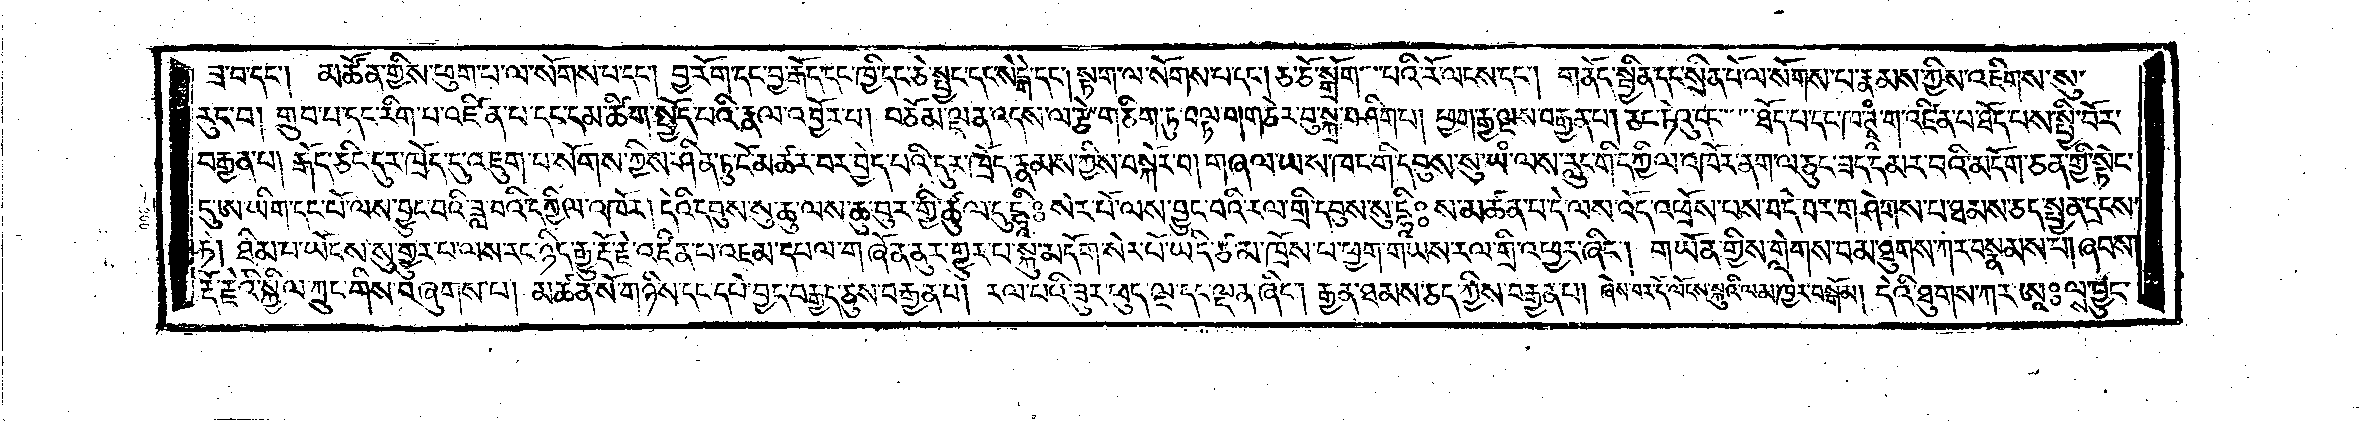ཟ་བ་དང་། མཚོན་གྱིས་ཕུག་པ་ལ་སོགས་པ་དང་། བྱ་རོག་དང་བྱ་རྒོད་དང་ཁྱི་དང་ཅེ་སྤྱང་དང་སེངྒེ་དང་། སྟག་ལ་སོགས་པ་དང་། ཅ་ཅོ་སྒྲོག་པའི་རོ་ལངས་དང་། གནོད་སྦྱིན་དང་སྲིན་པོ་ལ་སོགས་པ་རྣམས་གྱིས་འཇིགས་སུ་རུང་བ། གྲུབ་པ་དང་རིག་པ་འཛིན་པ་དང་དམ་ཚིག་སྤྱོད་པའི་རྣལ་འབྱོར་པ། བཅོམ་ལྡན་འདས་ལ་རྩེ་གཅིག་ཏུ་བལྟར་ག་གཅེར་བུ་སྐྲ་བཤིག་པ། ཕྱག་རྒྱ་ལྔས་བརྒྱན་པ། ཅང་ཏེའུ་དང་། ཐོད་པ་དང་ཁ་ཊཱཾ་ག་འཛིན་པ་ཐོད་པས་སྤྱི་བོར་
བརྒྱན་པ། རྒོད་ཅིང་དུར་ཁྲོད་དུ་འཇུག་པ་སོགས་ཀྱིས་ཤིན་ཏུ་ངོ་མཚར་བར་བྱེད་པའི་དུར་ཁྲོད་རྣམས་ཀྱིས་བསྐོར་བ། གཞལ་ཡས་ཁང་གི་དབུས་སུ་ཡཾ་ལས་རླུང་གི་དཀྱིལ་འཁོར་ནག་ལ་ཅུང་ཟད་དམར་བའི་མདོག་ཅན་གྱི་སྟེང་
དུ་ཨ་ཡིག་དང་པོ་ལས་བྱུང་བའི་ཟླ་བའི་དཀྱིལ་འཁོར། དེའི་དབུས་སུ་ཆུ་ལས་ཆུ་བུར་གྱི་ཚུལ་དུ་དྷཱིཿ སེར་པོ་ལས་བྱུང་བའི་རལ་གྲི་དབུས་སུ་དྷཱིཿས་མཚན་པ་དེ་ལས་འོད་འཕྲོས་པས་བདེ་བར་གཤེགས་པ་ཐམས་ཅད་སྤྱན་དྲངས་
ཏེ། ཐིམ་པ་ཡོངས་སུ་གྱུར་བ་ལས་རང་ཉིད་རྒྱུ་རྡོ་རྗེ་འཛིན་པ་འཇམ་དཔལ་གཞོན་ནུར་གྱུར་པ་སྐུ་མདོག་སེར་པོ་ཡིད་ཙམ་ཁྲོས་པ་ཕྱག་གཡས་རལ་གྲི་འཕྱག་ཞིང་། གཡོན་གྱིས་གླེགས་བམ་ཐུགས་ཀར་བསྣམས་པ། ཞབས་
རྡོ་རྗེའི་སྐྱིལ་ཀྲུང་གིས་བཞུགས་པ། མཚན་སོ་གཉིས་དང་དཔེ་བྱང་བརྒྱད་ཅུས་བརྒྱན་པ། རལ་པའི་ཟུར་ཕུད་ལྔ་དང་ལྡན་ཞིང་། རྒྱན་ཐམས་ཅད་ཀྱིས་བརྒྱན་པ། ཞེས་བར་དོ་ལོངས་སྐུའི་ལམ་ཁྱར་བསྒོམ། དེའི་ཐུགས་ཀར་ཨཱཿལས་བྱུན་